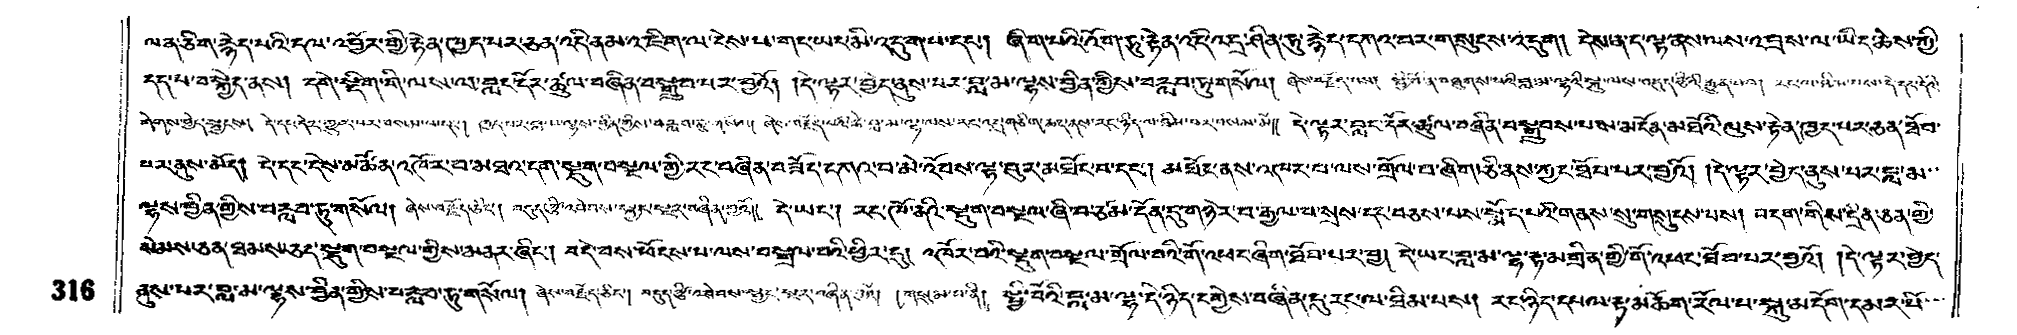ལན་ཅིག་རྙེད་པའི་དལ་འབྱོར་གྱི་རྟེན་ཁྱད་པར་ཅན་འདི་ནམ་འཇིག་ལ་ངེས་པ་གང་ཡང་མི་འདུག་པ་དང་། ཞིག་པའི་འོག་ཏུ་རྟེན་འདི་འདྲ་ཤིན་ཏུ་རྙེད་དཀའ་བར་གསུངས་འདུག། དེས་ན་ད་ལྟ་ནས་ལས་འབྲས་ལ་ཡིད་ཆེས་ཀྱི་
དད་པ་བསྐྱེད་ནས། དགེ་སྡིག་གི་ལས་ལ་བླང་དོར་ཚུལ་བཞིན་བསྒྲུབ་པར་བྱའོ། །དེ་ལྟར་བྱེད་ནུས་པར་བླ་མ་ལྷས་བྱིན་གྱིས་བརླབ་ཏུ་གསོལ། ཞེས་བརྗོད་པས། སྤྱི་བོ་ན་བཞུགས་པའི་བླ་མ་ལྷའི་སྐུ་ལས་བདུད་རྩིའི་རྒྱུན་བབ། རང་ལ་ཐིམ་པས་དེ་དང་དེའི་
གེགས་བྱེད་སྦྱངས། དེ་དང་དེར་གྱུར་པར་བསམ་པ་དང་། ཁྱད་པར་བླ་མ་ལྷས་བྱིན་གྱིས་བརླབ་ཏུ་གསོལ། ཞེས་བརྗོད་པའི་ཚེ་བླ་མ་ལྷ་ལས་རང་འདྲ་གཅིག་ཆད་ནས་རང་ཉིད་ལ་ཐིམ་པར་བསམ་མོ།། དེ་ལྟར་བླང་དོར་ཚུལ་བཞིན་བསྒྲུབས་པས་མངོན་མཐོའི་ལུས་རྟེན་ཁྱད་པར་ཅན་ཐོབ་
པར་ནུས་མོད། དེ་དང་དེས་མཚོན་འཁོར་བ་མཐའ་དག་སྡུག་བསྔལ་གྱི་རང་བཞིན་བཟོད་དཀའ་བ་མེ་འོབས་ལྟ་བུར་མཐོང་བ་དང་། མཐོང་ནས་འཁར་བ་ལས་གྲོལ་བ་ཞིག་ཅི་ནས་ཀྱང་ཐོབ་པར་བྱའོ། །དེ་ལྟར་བྱེད་ནུས་པར་བླ་མ་
ལྷས་བྱིན་གྱིས་བརླབ་ཏུ་གསོལ། ཞེས་བརྗོད་ཅིང་། བདུད་རྩི་འབེབས་སྦྱང་སྔར?་བཞིན་བྱའོ།།  དེ་ཡང་། རང་ཁོ་ནའི་སྡུག་བསྔལ་ཞི་བ་ཙམ་དོན་དུ་གཉེར་བ་རྒྱལ་བ་སྲས་དང་བཅས་པས་སྨོད་པའི་གནས་སུ་གསུངས་པས། བདག་གིས་དྲིན་ཅན་གྱི་
སེམས་ཅན་ཐམས་ཅད་སྡུག་བསྔལ་གྱིས་མནར་ཞིང་། བདེ་བས་ཕོངས་པ་ལས་བསྒྲལ་བའི་ཕྱིར་དུ། འཁོར་བའི་སྡུག་བསྔལ་གྲོལ་བའི་གོ་འཕང་ཞིག་ཐོབ་པར་བྱ། དེ་ཡང་བླ་མ་ལྷ་རྟ་མགྲིན་གྱི་གོ་འཕང་ཐོབ་པར་བྱའོ། །དེ་ལྟར་བྱེད་
ནུས་པར་བླ་མ་ལྷས་བྱིན་གྱིས་བརླབ་ཏུ་གསོལ། ཞེས་བརྗོད་ཅིང་། བདུད་རྩི་འབེབས་སྦྱང་སྔར་བཞིན་བྱའོ། །གསུམ་པ་ནི།  སྤྱི་བོའི་བླ་མ་ལྷ་དེ་ཉིད་དགྱེས་བཞིན་དུ་རང་ལ་ཐིམ་པས། རང་ཉིད་དཔལ་རྟ་མཆོག་རོལ་པ་སྐུ་མདོག་དམར་པོ་